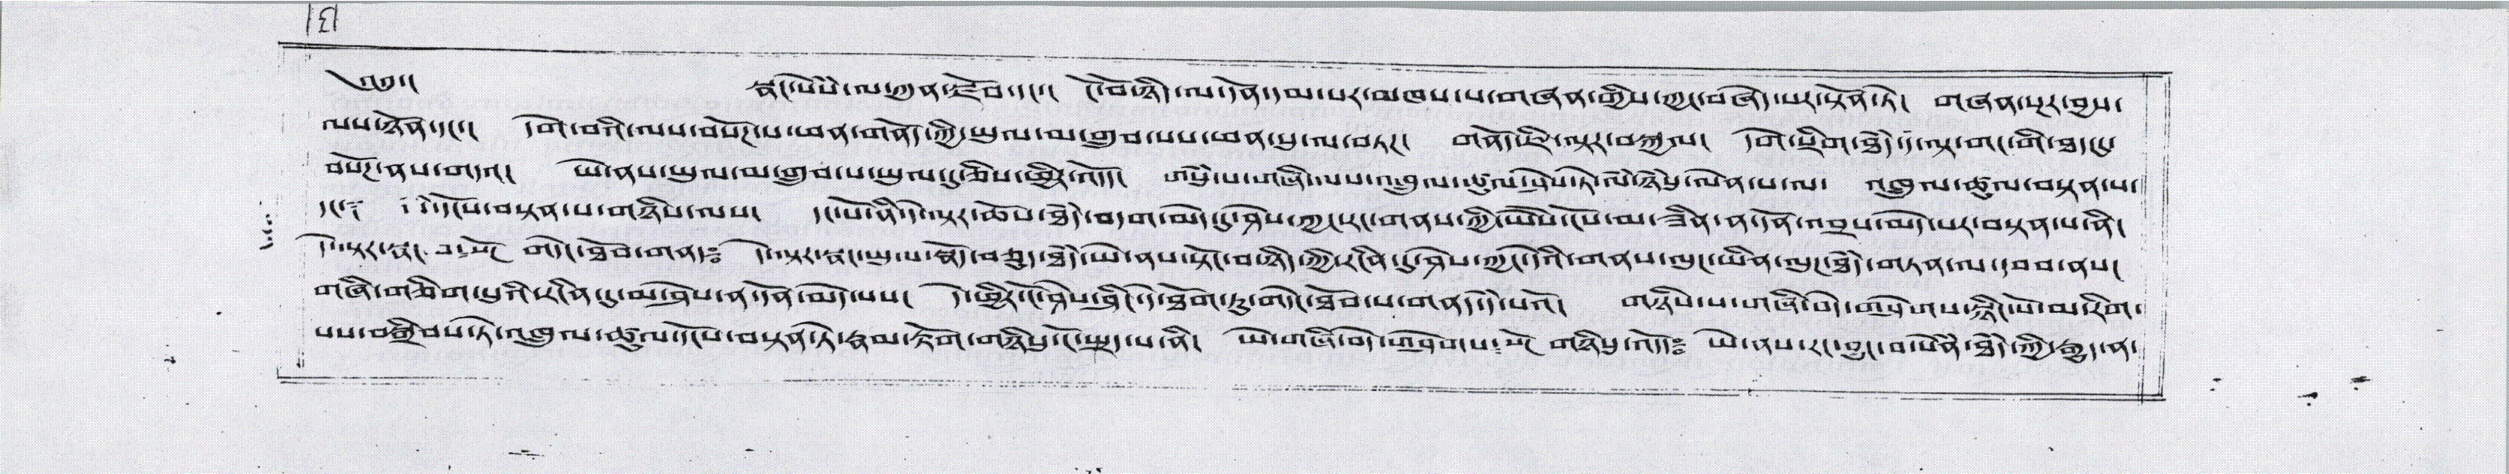སྣང་སེམས་ལ་ཀུན་རྫོབ་དང་། ངོ་བོ་ཉིད་ལ་དོན་དམ་པར་མཁས་པ་གཞན་གྱིས་ཀྱང་བཞེད་པར་སྟོན་ཏེ། གཞན་སྔར་བྱས་
ལས་ཉོན་དང་། དགེ་བའི་ལས་གསོག་པ་ཕན་གནོད་ཀྱི་ཡུལ་མ་གྲུབ་པས་ཕན་སུ་མ་བཏགས། གནོད་ཇི་ལྟར་བསྐྱལ། དགེ་སྡིག་ཐམས་ཅད་ད་ལྟ་གང་གི་ཐད་དུ་
བསོགས་ནས་གདའ། ཡེ་ནས་ཡུལ་མ་གྲུབ་པ་ཡུལ་དུ་ཅིའི་ཕྱིར་འདོད། གསུམ་པ་གཞི་ལས་འཁྲུལ་ཚུལ་ཤེས་ཏེ་གཞི་ཉམས་སུ་ལེན་པ་ལ། འཁྲུལ་ཚུལ་བསྟན་པ་
དང་། དངོས་བསྟན་པ་གཉིས་ལས། དང་པོ་ནི་དེ་ལྟར་ཆོས་ཐམས་ཅད་བདག་མེད་དུ་ཤེས་ཀྱང་རང་གནས་ཀྱི་ཡེ་ཤེས་ངོས་མ་ཟིན་ན་དོན་འབྲས་མེད་པར་བསྟན་པ་ནི། 
དེ་ལྟར་སྣང་བ་སོགས་གདེང་ཐོབ་གནདཿ དེ་ལྟར་སྣང་ཡུལ་སྣོད་བཅུད་ཐམས་ཅད་ཡེ་ནས་སྟོང་པ་ཉིད་རང་བཞིན་དུ་ཤེས་ཀྱང་དེའི་གནས་ལུགས་ཡིན་ལུགས་ཐམས་ཅད་གཏན་ལ་དབབ་ནས། 
གཞི་གཅིག་པུའི་རང་བཞིན་དུ་མ་ཤེས་ན་དོན་མེད་པས། དེ་ཕྱིར་ངོ་ཤེས་ཤིང་དེ་ཐོག་ཏུ་གདེང་ཐོབ་པ་གནད་དམ་པའོ། །གཉིས་པ་གཞི་བདེར་གཤེགས་སྙིང་པོ་མ་རིག་
པས་བསྒྲིབས་ཏེ་འཁྲུལ་ཚུལ་དངོས་བསྟན་ཏེ། རྣམ་རྟོག་གཉིས་སུ་ངོ་སྤྲད་པ་ནི། ཡེ་གཞི་བདེར་གཤེགས་སོགས་གཉིས་སུ་འདོད། ཡེ་ནས་རང་འབྱུང་བ་སེམས་ཅན་ཐམས་ཅད་ཀྱི་རྒྱུད་ན་